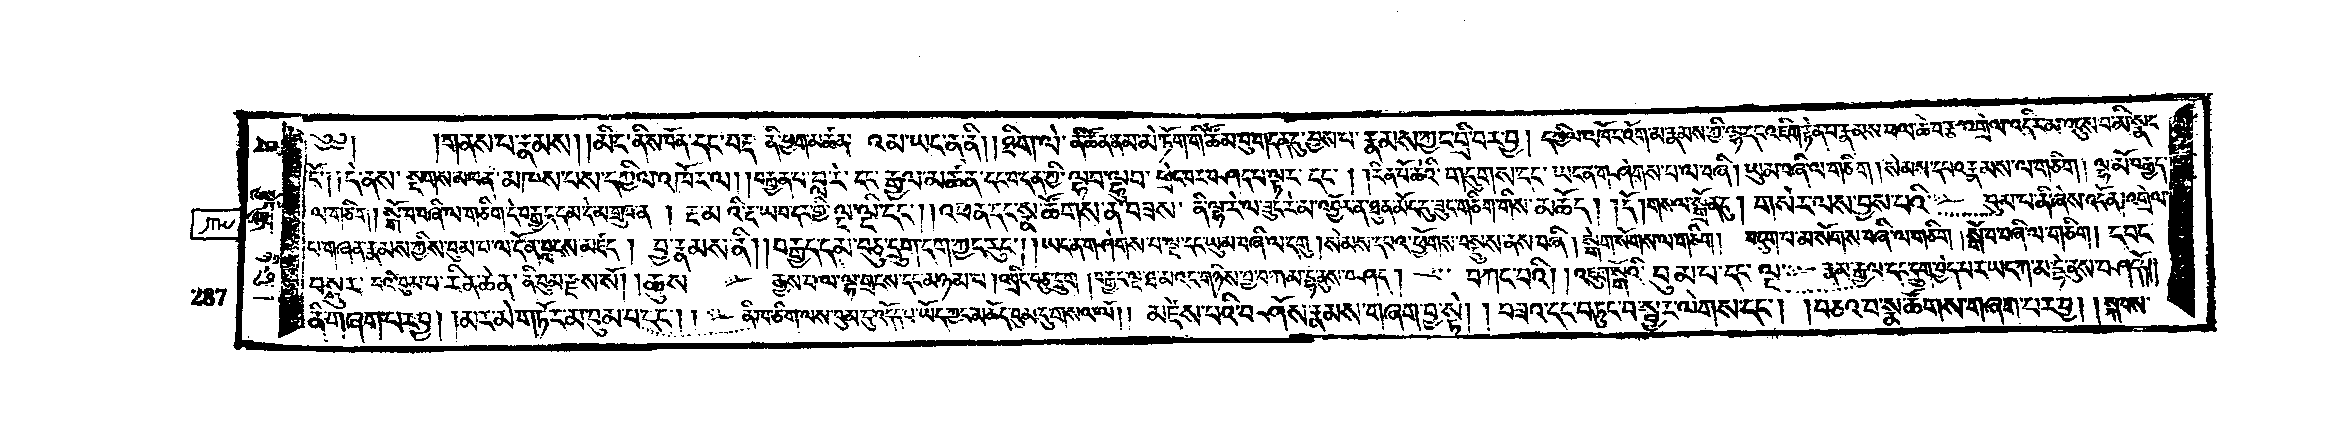༄༅། །གནས་པ་རྣམས། །མིང་ནི་ས་བོན་དང་བརྡ་ནི་ཕྱག་མཚན་འམ་ཡང་ན་ནི། །ཐིག་ལེ་ནི་ཚོན་ནམ་མེ་ཏོག་གི་ཚོམ་བུ་གདན་དུ་བྱས་པ་རྣམས་ཀྱང་བྲི་བར་བྱ། དཀྱིལ་འཁོར་འོག་མ་རྣམས་ཀྱི་ལྷ་དང་འཇིག་རྟེན་པ་རྣམས་ཕལ་ཆེ་བ་རྩ་འགྲེལ་འདིར་མ་འདུས་པ་མི་སྣང་
ངོ། །དེ་ནས་སྔགས་མཁན་མཁས་པས་དཀྱིལ་འཁོར་ལ། །བརྒྱན་པ་བླ་རེ་དང་རྒྱལ་མཚན་དང་བ་དན་གྱི་ལྷབ་ལྷུབ་ཕྲེང་བར་བཤད་པ་ལྟར་དང་། །རིན་པོ་ཆེའི་གདུགས་དང་ཡང་ན་གཤེགས་པ་ལ་བཞི། ཡུམ་བཞི་ལ་གཅིག །སེམས་དཔའ་རྣམས་ལ་གཅིག །ལྷ་མོ་བརྒྱད་
ལ་གཅིག །སྒོ་བ་བཞི་ལ་གཅིག་དེ་བརྒྱད་དམ་དེ་མ་གྲུབ་ན། རྔ་མའི་རྔ་ཡབ་དར་གྱི་ལྔ་ལྡི་དང་། །འཕན་དང་སྣ་ཚོགས་ན་བཟས་ནི་ལྷ་རེ་ལ་ཟུང་རེ་མ་འབྱོར་ན་ཐུན་མོང་དུ་ཟུང་གཅིག་གིས་མཆོད། །དོ། གསལ་སྒྲོན་དུ།  གསེར་ལས་བྱས་པའི་བུམ་པ་ནི་ཞེས་འདོན། འགྲེལ་
པ་གཞན་རྣམས་ཀྱིས་བུམ་པ་ལ་དོན་བླངས་མཛད། བྱ་རྣམས་ནི། །བརྒྱད་དམ་བཅུ་དྲུག་དག་ཀྱང་རུང་། །ཡང་ན་གཤེགས་པ་ལྔ་དང་ཡུམ་བཞི་ལ་དགུ། སེམས་དཔའ་ཕྱོགས་བསྡུས་ནས་བཞི། སྒེག་སོགས་ལ་གཅིག །བདུག་པ་མ་སོགས་བཞི་ལ་གཅིག །སྒོ་བ་བཞི་ལ་གཅིག །དབང་
བསྐུར་བའི་བུམ་པ་རིན་ཆེན་ནི་བུམ་རྫས་སོ།  །ཆུས་རྒྱས་པ་ལ་ལྷ་གྲངས་དང་མཉམ་པ། འབྲིང་བཅུ་དྲུག །བརྒྱད་ལྔ་ཐ་མའང་གཉིས་བྱ་བ་ཀམ་དྷ་ནུས་བཤད།  །བཀང་བའི། །འཇུག་སྒོའི་བུམ་པ་དང་ལྔ་རྣམ་རྒྱལ་དང་དྲུག་བྱེད་པར་ཡང་ཀ་མ་དྷེ་ནུས་བཤད་དོ། །
ནི་གཞག་པར་བྱ། །མར་མེ་གཏོར་མ་བུམ་པ་དང་། །ནི་ཁ་ཅིག་ལས་བུམ་དུ་འདོད་པ་ཡོད་ཀྱང་མཆོད་བུམ་དུ་གསལ་ལོ། །མཛེས་པའི་བཤོས་རྣམས་གཞག་བྱ་སྟེ། །བཟའ་དང་བཏུང་བ་སྦྱར་ལེགས་དང་། །བཅའ་བ་སྣ་ཚོགས་གཞག་པར་བྱ། །སྐབས་